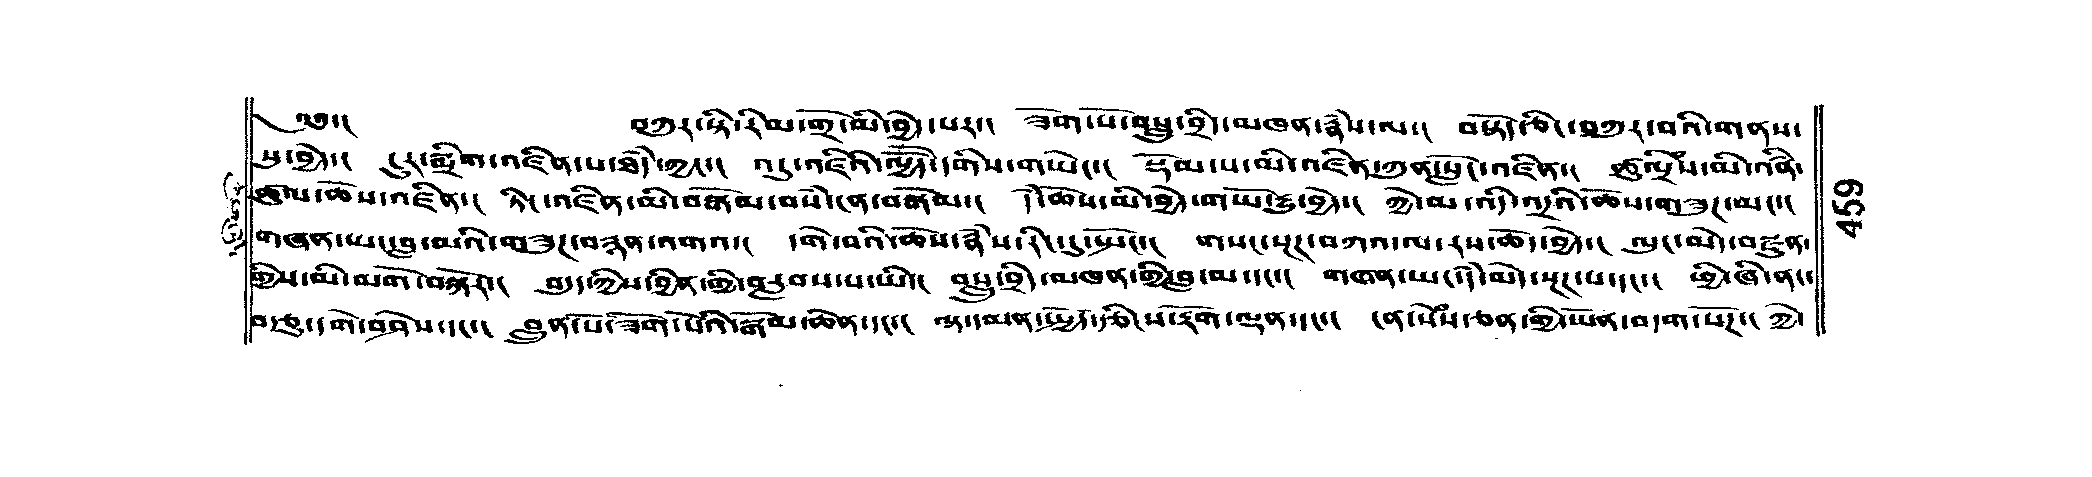།བཀུར་སྟི་རིམ་གྲོ་མི་བྱེད་པར། །ཟོག་པོ་བསླུ་བྲིད་མཁན་རྣམས་ལ། །བསྟོད་ཅིང་བཀུར་བའི་གནས་
སུ་བྱེད། །ངུར་སྨྲིག་འཛིན་པ་ཐམས་ཅད་ཀྱང་། །འདུ་ཛིའི་ལོངས་སྤྱོད་དག་གིས་གཡེང་། །སྡོམ་པ་མི་འཛིན་ཀུན་སློང་འཛིན། །ཚུལ་ཁྲིམས་མི་འཛིན་
ཚུལ་ཆོས་འཛིན། །ཏིང་འཛིན་མི་བསྒོམ་བསམ་ངན་བསྒོམ། །དམ་ཆོས་མི་བྱེད་གཡོ་རྒྱུ་བྱེད། །ཀྱེ་མ་འདི་འདྲའི་ཆོས་གཟུགས་མང་། །
གཞན་ཡང་བླ་མའི་གཟུགས་བརྙན་འགའ། །དགེ་བའི་ཆོས་རྣམས་རིང་དུ་སྤོང་། །གསང་སྔགས་བཀའ་ལ་རས་ཆོད་བྱེད། །ལུང་མེད་བརྫུན་
གྱིས་མི་མགོ་བསྐོར། །བདུད་ཀྱིས་བྱིན་གྱི་བརླབས་པ་ཡི། །བསླུ་བྲིད་མཁན་གྱི་བླ་མ་དང་། །གཞན་ཡང་དམ་མེད་སྔགས་པ་དང་། །ཕྱི་ཞི་ནང་
བརྩུབ་དགེ་བཤེས་དང་། །བླུན་པོ་ཟོག་པོའི་སྒོམ་ཆེན་དང་། །ལྟ་དམན་སྤྱོད་རྩིང་རྟོགས་ལྡན་དང་། །ངན་སེམས་ཅན་གྱི་ཡོན་བདག་སོགས། །ཀྱེ་